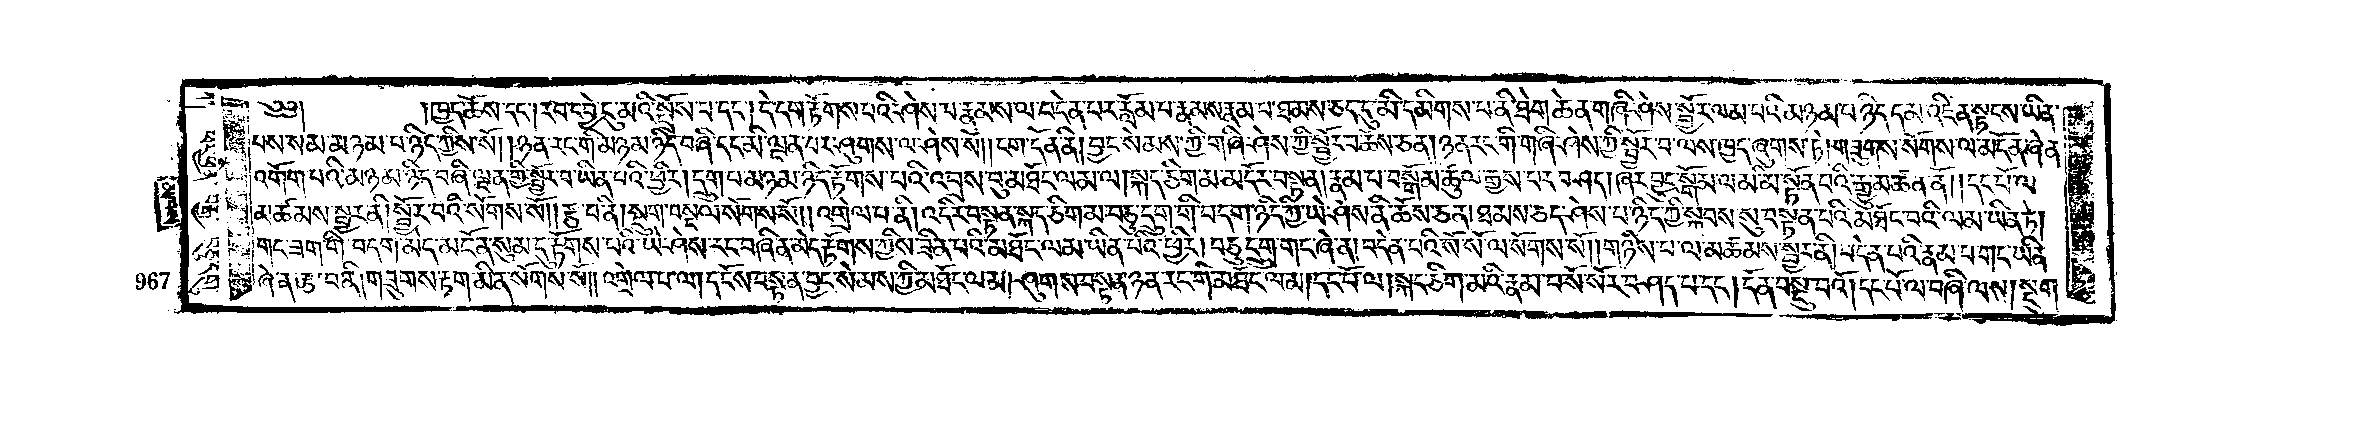༄༅། །ཁྱད་ཆོས་དང་། རབ་དབྱེ་དུ་མའི་སྤྲོས་པ་དང་། དེ་དག་རྟོགས་པའི་ཤེས་པ་རྣམས་ལ་བདེན་པར་རློམ་པ་རྣམས་རྣམ་པ་ཐམས་ཅད་དུ་མི་དམིགས་པ་ནི་ཐེག་ཆེན་གཞི་ཤེས་སྦྱོར་ལམ་པའི་མཉམ་པ་ཉིད་དམ་འཛིན་སྟངས་ཡིན་
པས་སམ་མཉམ་པ་ཉིད་ཀྱིས་སོ། །ཉན་རང་གི་མཉམ་ཉིད་བཞི་དང་མི་ལྡན་པར་ཤུགས་ལ་ཤེས་སོ། །ངག་དོན་ནི། བྱང་སེམས་ཀྱི་གཞི་ཤེས་ཀྱི་སྦྱོར་བ་ཆོས་ཅན། ཉན་རང་གི་གཞི་ཤེས་ཀྱི་སྦྱོར་བ་ལས་ཁྱད་ཞུགས་ཏེ། གཟུགས་སོགས་ལ་མངོན་ཞེན་
འགོག་པའི་མཉམ་ཉིད་བཞི་ལྡན་གྱི་སྦྱོར་བ་ཡིན་པའི་ཕྱིར། དྲུག་པ་མཉམ་ཉིད་རྟོགས་པའི་འབྲས་བུ་མཐོང་ལམ་ལ། སྐད་ཅིག་མ་མདོར་བསྟན། རྣམ་པ་བསྒོམ་ཚུལ་རྒྱས་པར་བཤད། ཞར་བྱུང་སྒོམ་ལམ་མི་སྟོན་པའི་རྒྱུ་མཚན་ནོ། །དང་པོ་ལ་
མཚམས་སྦྱར་ནི། སྦྱོར་བའི་སོགས་སོ། །རྩ་བ་ནི། སྡུག་བསྔལ་སོགས་སོ། །འགྲེལ་པ་ནི། འདིར་བསྟན་སྐད་ཅིག་མ་བཅུ་དྲུག་གི་བདག་ཉིད་ཀྱི་ཡེ་ཤེས་ནི་ཆོས་ཅན། ཐམས་ཅད་ཤེས་པ་ཉིད་ཀྱི་སྐབས་སུ་བསྟན་པའི་མཐོང་བའི་ལམ་ཡིན་ཏེ།
གང་ཟག་གི་བདག་མེད་མངོན་སུམ་དུ་རྟོགས་པའི་ཡེ་ཤེས་རང་བཞིན་མེད་རྟོགས་ཀྱིས་ཟིན་པའི་མཐོང་ལམ་ཡིན་པའི་ཕྱིར། བཅུ་དྲུག་གང་ཞེ་ན། བདེན་པའི་སོ་སོ་ལ་སོགས་སོ། །གཉིས་པ་ལ་མཚམས་སྦྱར་ནི། བདེན་པའི་རྣམ་པ་གང་ཡིན་
ཞེ་ན། རྩ་བ་ནི། གཟུགས་རྟག་མིན་སོགས་སོ། །འགྲེལ་པ་ལ། དངོས་བསྟན་བྱང་སེམས་ཀྱི་མཐོང་ལམ། ཤུགས་བསྟན་ཉན་རང་གི་མཐོང་ལམ། དང་པོ་ལ། སྐད་ཅིག་མའི་རྣམ་པ་སོ་སོར་བཤད་པ་དང་། དོན་བསྡུ་བའོ། དང་པོ་ལ་བཞི་ལས། སྡུག་